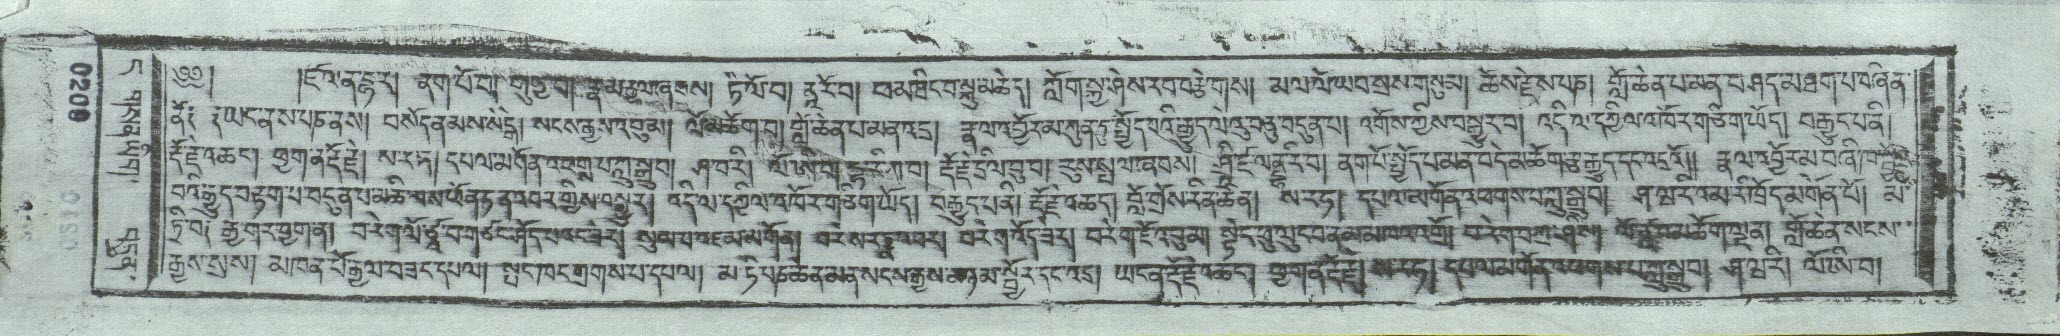༄༅། །ཛ་ལན་དྷ་ར། ནག་པོ་བ། བུཧྱ་བ། རྣམ་རྒྱལ་ཞབས། ཏཻ་ལོ་བ། ནཱ་རོ་བ། ཕམ་ཐིང་བ་སྐུ་མཆེད། ཀློག་སྐྱ་ཤེས་རབ་བརྩེགས། མལ་ལོ་ཡབ་སྲས་གསུམ། ཆོས་རྗེས་པཎ། གློ་ཆེན་པ་མན་བཤད་མཐག་པ་བཞིན་
ནོ༑ ༑ཡང་ནས་པཎ་ནས། བསོད་ནམས་སེངྒེ། སངས་རྒྱས་འབུམ། ལོ་མཆོག་བ། གློ་ཆེན་པ་མན་འདྲ། རྣལ་འབྱོར་མ་ཀུན་ཏུ་སྤྱོད་པའི་རྒྱུད་ལེའུ་བཅུ་བདུན་པ། འགོས་ཀྱིས་བསྒྱུར་བ། འདི་ལ་དཀྱིལ་འཁོར་གཅིག་ཡོད། བརྒྱུད་པ་ནི།
རྡོ་རྗེ་འཆང་། ཕྱག་ན་རྡོ་རྗེ། ས་ར་ཏ། དཔལ་མགོན་འཕགས་པ་ཀླུ་སྒྲུབ། ཤ་བ་རི། ལོ་ཨི་བ། དྷ་རི་ཀ་བ། རྡོ་རྗེ་དྲིལ་བུ་བ། རུས་སྦས་ཞབས། ཤྲཱི་ཛ་ལནྡྷ་རི་བ། ནག་པོ་སྤྱོད་པ་མན་བདེ་མཆོག་རྩ་རྒྱུད་དང་འདྲའོ།། རྣལ་འབྱོར་མ་བཞི་ཁ་སྦྱོར་
བའི་རྒྱུད་པ་རྟག་པ་བདུན་པ་མཆི་མས་ཡོན་ཏན་འབར་གྱིས་བསྒྱུར། འདི་ལ་དཀྱིལ་འཁོར་གཅིག་ཡོད། བརྒྱུད་པ་ནི། རྡོ་རྗེ་འཆང་། བློ་གྲོས་རིན་ཆེན། ས་ར་ཧ། དཔལ་མགོན་འཕགས་པ་ཀླུ་སྒྲུབ། ཤ་ཝ་རིའམ་རི་ཁྲོད་མགོན་པོ། མཻ་
ཉེ་བ༑ རྒྱ་གར་ཕྱག་ན། བ་རེག་ལོ་ཙཱ་བ་གཙང་ཤོད་པའང་ཟེར། སུམ་པ་འཇམ་མགོན། བ་རེས་རཏྣ་འབར། བ་རེག་འོད་ཟེར། བ་རེག་ཇོ་འབུམ། སྟེང་ཕུ་ལུང་བ་ནམ་མཁའ་འགྲོ། བ་རེག་བཀྲ་ཤིས། ལོ་ཙཱ་བ་མཆོག་ལྡན། གློ་ཆེན་སངས་
རྒྱས་སྲས། མཁན་པོ་རྒྱལ་བཟང་དཔལ། སྤང་ཁང་གྲགས་པ་དཔལ། མ་ཏི་པཎ་ཆེན་མན་སངས་རྒྱས་མཉམ་སྦྱོར་དང་འདྲ། ཡང་ན་རྡོ་རྗེ་འཆང་། ཕྱག་ན་རྡོ་རྗེ། ས་ར་ཧ། དཔལ་མགོན་འཕགས་པ་ཀླུ་སྒྲུབ། ཤ་ཝ་རི། ལོ་ཨི་བ།